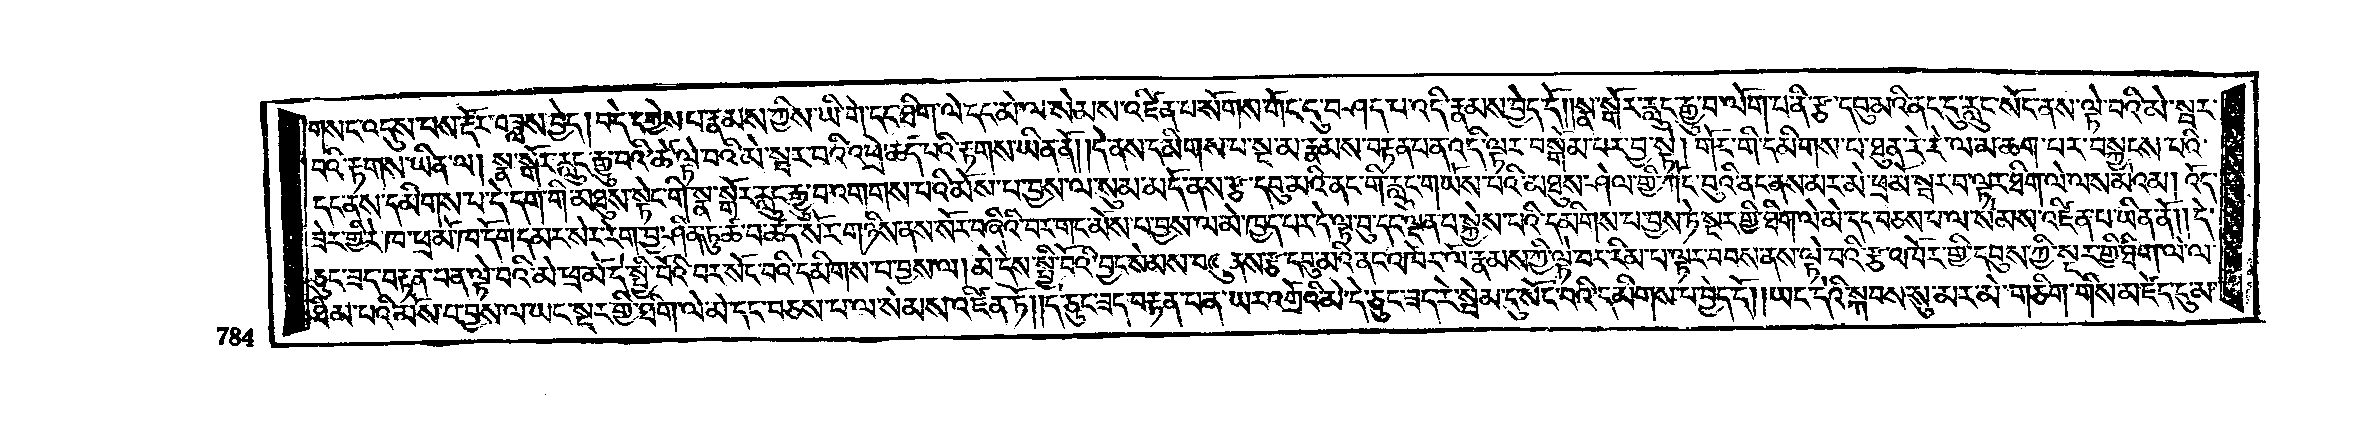གསང་འདུས་པས་རྡོར་བཟླས་བྱེད། བདེ་དགྱེས་པ་རྣམས་ཀྱིས་ཡི་གེ་དང་ཐིག་ལེ་དང་མེ་ལ་སེམས་འཛིན་པ་སོགས་གོང་དུ་བཤད་པ་འདི་རྣམས་བྱེད་དོ། །སྣ་སྒོར་རླུང་རྒྱུ་བ་ལོག་པ་ནི་རྩ་དབུ་མའི་ནང་དུ་རླུང་སོང་ནས་ལྟེ་བའི་མེ་སྦར་
བའི་རྟགས་ཡིན་ལ། སྣ་སྒོར་རླུང་རྒྱུ་བའི་ཚེ་ལྟེ་བའི་མེ་སྦར་བའི་འཕྲེ་ཆོད་པའི་རྟགས་ཡིན་ནོ། །དེ་ནས་དམིགས་པ་སྔ་མ་རྣམས་བརྟན་པ་ན་འདི་ལྟར་བསྒོམ་པར་བྱ་སྟེ། གོང་གི་དམིགས་པ་ཐུན་རེ་རེ་ལ་མ་ཆག་པར་བསྐྱངས་པའི་
ངང?་ནས་དམིགས་པ་དེ་དག་གི་མཐུས་སྟེང་གི་སྣ་སྒོར་རླུང་རྒྱུ་བ་འགགས་པའི་མོས་པ་བྱས་ལ་སུམ་མདོ་ནས་རྩ་དབུ་མའི་ནང་གི་རླུང་གཡོས་པའི་མཐུས་ཤེལ་གྱི་ཀོང་བུའི་ནང་ནས་མར་མེ་ཕྲ་མོ་སྦར་བ་ལྟར་ཐིག་ལེ་ལས་མེའམ། འོད་
ཟེར་གྱི་རེ་ཁ་ཕྲ་མོ་ཁ་དོག་དམར་སེར་རེག་བྱ་ཤིན་ཏུ་ཚ་བ་ཚད་སོར་གཉིས་ནས་སོར་བཞིའི་བར་གང་མོས་པ་བྱས་ལ་མེ་ཁྱད་པར་དེ་ལྟ་བུ་དང་ལྡན་པ་སྐྱེས་པའི་དམིགས་པ་བྱས་ཏེ་སྔར་གྱི་ཐིག་ལེ་མེ་དང་བཅས་པ་ལ་སེམས་འཛིན་པ་ཡིན་ནོ། །དེ་
ཅུང་ཟད་བརྟན་པ་ན་ལྟེ་བའི་མེ་ཕྲ་མོ་དེ་སྤྱི་བོའི་བར་སོང་བའི་དམིགས་པ་བྱས་ལ། མི་དེས་སྤྱི་བོའི་བྱང་སེམས་བཞུ་ནས་རྩ་དབུ་མའི་ནང་འཁོར་ལོ་རྣམས་ཀྱི་ལྟེ་བར་རིམ་པ་ལྟར་བབས་ནས་ལྟེ་བའི་རྩ་འཁོར་གྱི་དབུས་ཀྱི་སྔར་གྱི་ཐིག་ལེ་ལ་
ཐིམ་པའི་མོས་པ་བྱས་ལ་ཡང་སྔར་གྱི་ཐིག་ལེ་མེ་དང་བཅས་པ་ལ་སེམས་འཛིན་ཏོ། །དེ་ཅུང་ཟད་བརྟན་པ་ན་ཡར་འགྲོའི་མེ་དེ་ཅུང་ཟད་རེ་སྦེམ་དུ་སོང་བའི་དམིགས་པ་བྱེད་དོ། །ཡང་དེའི་སྐབས་སུ་མར་མེ་གཅིག་གིས་མཛེད་དུ་མ་